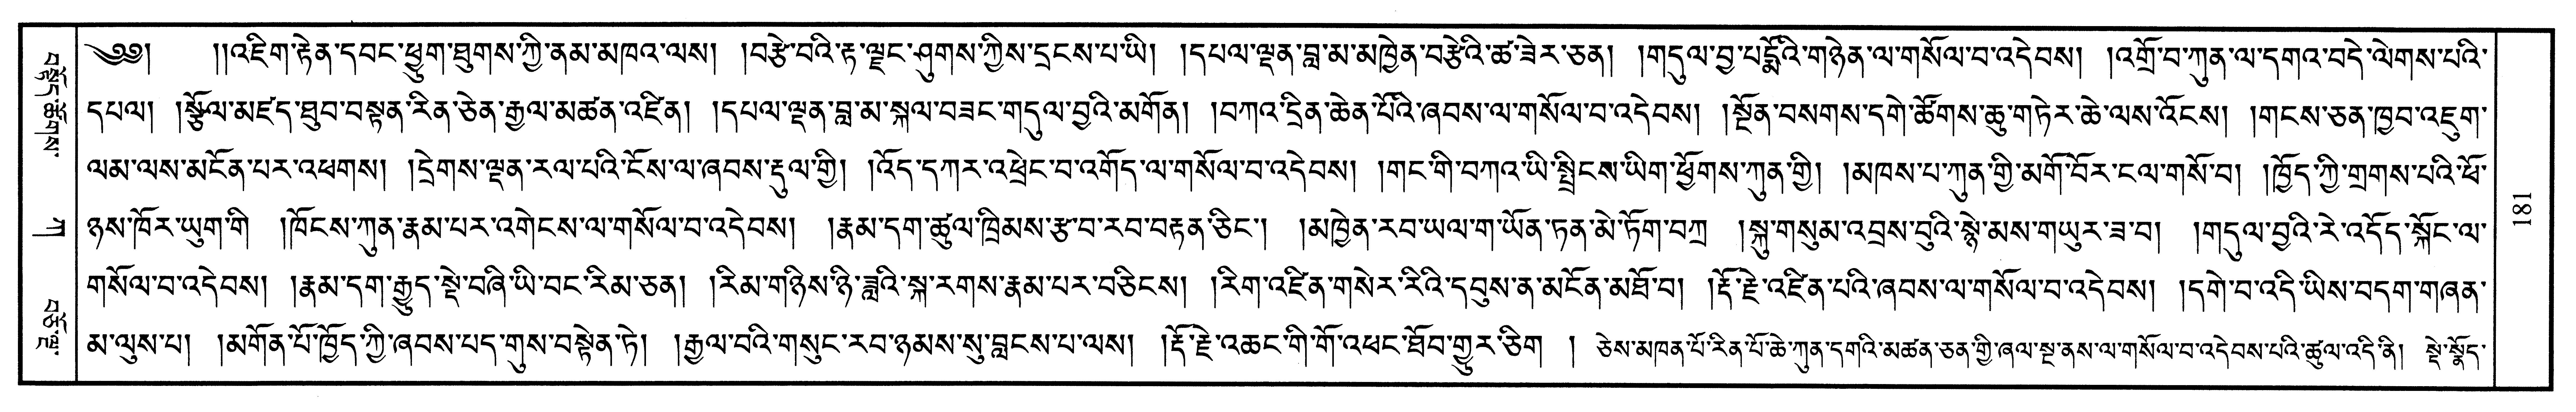༄༅། །འཇིག་རྟེན་དབང་ཕྱུག་ཐུགས་ཀྱི་ནམ་མཁའ་ལས། །བརྩེ་བའི་རྟ་ལྗང་ཤུགས་ཀྱིས་དྲངས་པ་ཡི། །དཔལ་ལྡན་བླ་མ་མཁྱེན་བརྩེའི་ཚ་ཟེར་ཅན། །གདུལ་བྱ་པདམོའི་གཉེན་ལ་གསོལ་བ་འདེབས། །འགྲོ་བ་ཀུན་ལ་དགའ་བདེ་ལེགས་པའི་
དཔལ། །སྩོལ་མཛད་ཐུབ་བསྟན་རིན་ཅེན་རྒྱལ་མཚན་འཛིན། །དཔལ་ལྡན་བླ་མ་སྐལ་བཟང་གདུལ་བྱའི་མགོན། །བཀའ་དྲིན་ཆེན་པོའི་ཞབས་ལ་གསོལ་བ་འདེབས། །སྔོན་བསགས་དགེ་ཚོགས་ཆུ་གཏེར་ཆེ་ལས་འོངས། །གངས་ཅན་ཁྱབ་འཇུག་
ལམ་ལས་མངོན་པར་འཕགས། །དྲེགས་ལྡན་རལ་པའི་ངོས་ལ་ཞབས་རྡུལ་གྱི། །འོད་དཀར་འཕྲེང་བ་འགོད་ལ་གསོལ་བ་འདེབས། །གང་གི་བཀའ་ཡི་སྤྲིངས་ཡིག་ཕྱོགས་ཀུན་གྱི། །མཁས་པ་ཀུན་གྱི་མགོ་བོར་ངལ་གསོ་བ། །ཁྱོད་ཀྱི་གྲགས་པའི་ཕོ་
ཉས་ཁོར་ཡུག་གི །ཁོངས་ཀུན་རྣམ་པར་འགེངས་ལ་གསོལ་བ་འདེབས། །རྣམ་དག་ཚུལ་ཁྲིམས་རྩ་བ་རབ་བརྟན་ཅིང་། །མཁྱེན་རབ་ཡལ་ག་ཡོན་ཏན་མེ་ཏོག་བཀྲ། །སྐུ་གསུམ་འབྲས་བུའི་སྙེ་མས་གཡུར་ཟ་བ། །གདུལ་བྱའི་རེ་འདོད་སྐོང་ལ་
གསོལ་བ་འདེབས། །རྣམ་དག་རྒྱུད་སྡེ་བཞི་ཡི་བང་རིམ་ཅན། །རིམ་གཉིས་ཉི་ཟླའི་སྐ་རགས་རྣམ་པར་བཅིངས། །རིག་འཛིན་གསེར་རིའི་དབུས་ན་མངོན་མཐོ་བ། །རྡོ་རྗེ་འཛིན་པའི་ཞབས་ལ་གསོལ་བ་འདེབས། །དགེ་བ་འདི་ཡིས་བདག་གཞན་
མ་ལུས་པ། །མགོན་པོ་ཁྱོད་ཀྱི་ཞབས་པད་གུས་བསྟེན་ཏེ། །རྒྱལ་བའི་གསུང་རབ་ཉམས་སུ་བླངས་པ་ལས། །རྡོ་རྗེ་འཆང་གི་གོ་འཕང་ཐོབ་གྱུར་ཅིག །ཅེས་མཁན་པོ་རིན་པོ་ཆེ་ཀུན་དགའི་མཚན་ཅན་གྱི་ཞལ་སྔ་ནས་ལ་གསོལ་བ་འདེབས་པའི་ཚུལ་འདི་ནི། སྡེ་སྣོད་